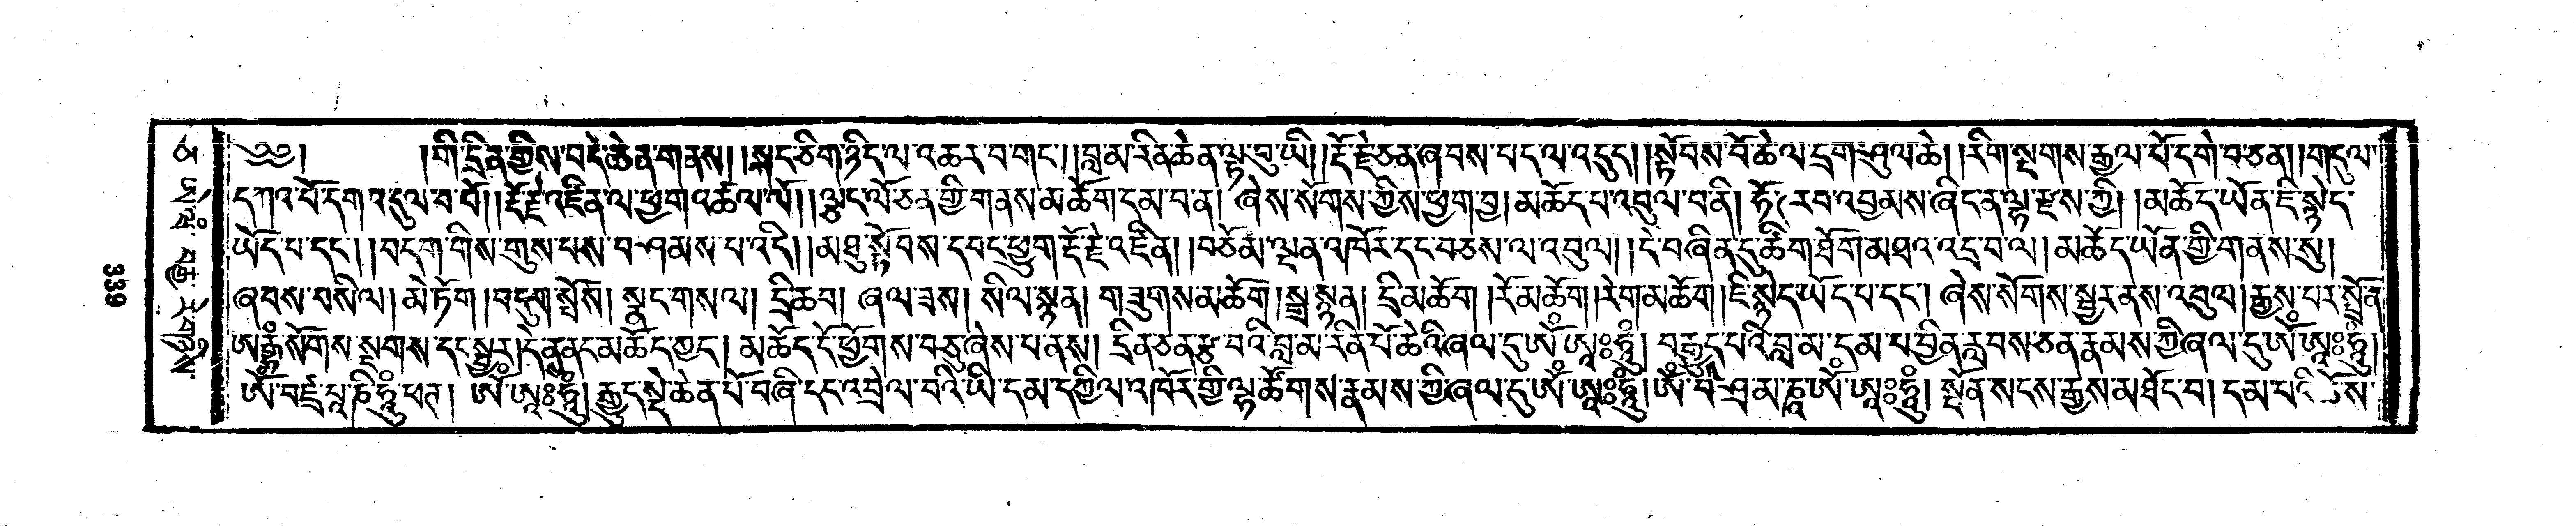༄༅། །གི་དྲིན་གྱིས་བདེ་ཆེན་གནས། །སྐད་ཅིག་ཉིད་ལ་འཆར་བ་གང་། །བླ་མ་རིན་ཆེན་ལྟ་བུ་ཡི། །རྡོ་རྗེ་ཅན་ཞབས་པད་ལ་འདུད། །སྟོབས་པོ་ཆེ་ལ་དྲག་ཤུལ་ཆེ། །རིག་སྔགས་རྒྱལ་པོ་དགེ་བ་ཅན། །གདུལ་
དཀའ་བོ་དག་འདུལ་བ་པོ། །རྡོ་རྗེ་འཛིན་ལ་ཕྱག་འཚལ་ལོ། །ལྕང་ལོ་ཅན་གྱི་གནས་མཆོག་དམ་པ་ན། ཞེས་སོགས་ཀྱིས་ཕྱག་བྱ། མཆོད་པ་འབུལ་བ་ནི། ཧོ། རབ་འབྱམས་ཞིང་ན་ལྷ་རྫས་ཀྱི། །མཆོད་ཡོན་ཇི་སྙེད་
ཡོད་པ་དང་། །བདག་གིས་གུས་པས་བཤམས་པ་འདི། །མཐུ་སྟོབས་དབང་ཕྱུག་རྡོ་རྗེ་འཛིན། །བཅོམ་ལྡན་འཁོར་དང་བཅས་ལ་འབུལ། །དེ་བཞིན་དུ་ཚིག་ཐོག་མཐའ་འདྲ་བ་ལ། །མཆོད་ཡོན་གྱི་གནས་སུ།
ཞབས་བསིལ། མེ་ཏོག །བདུག་སྤོས། སྣང་གསལ། དྲི་ཆབ། ཞལ་ཟས། སིལ་སྙན། གཟུགས་མཆོག །སྒྲ་སྙན། དྲི་མཆོག །རོ་མཆོག །རེག་མཆོག །ཇི་སྙེད་ཡོད་པ་དང་། ཞེས་སོགས་སྦྱར་ནས་འབུལ། རྒྱས་པར་སྤྲོ་ན།
ཨརྒྷཾ་སོགས་སྔགས་དང་སྦྱར། དེ་ནས་ནང་མཆོད་ཀྱང་། མཆོད་དོ་ཕྱོགས་བཅུ་ཞེས་པ་ནས། དྲིན་ཅན་རྩ་བའི་བླ་མ་རིན་པོ་ཆེའི་ཞལ་དུ་ཨོཾ་ཨཱཿ ཧཱུཾ། བརྒྱུད་པའི་བླ་མ་དམ་པ་བྱིན་རླབས་ཅན་རྣམས་ཀྱི་ཞལ་དུ་ཨོཾ་ཨཱཿ ཧཱུཾ།
ཨོཾ་བཛྲ་པཱ་ཎི་ཧཱུཾ་ཕཊ། ཨོཾ་ཨཱཿ ཧཱུཾ། རྒྱུད་སྡེ་ཆེན་པོ་བཞི་དང་འབྲེལ་བའི་ཡི་དམ་དཀྱིལ་འཁོར་གྱི་ལྷ་ཚོགས་རྣམས་ཀྱི་ཞལ་དུ་ཨོཾ་ཨཱཿ ཧཱུཾ། ཨོཾ་བཻ་ཤྲ་མ་ཎཱ་ཨོཾ་ཨཱཿ ཧཱུཾ། སྔོན་སངས་རྒྱས་མཐོང་བ། དམ་པའི་ཆོས་